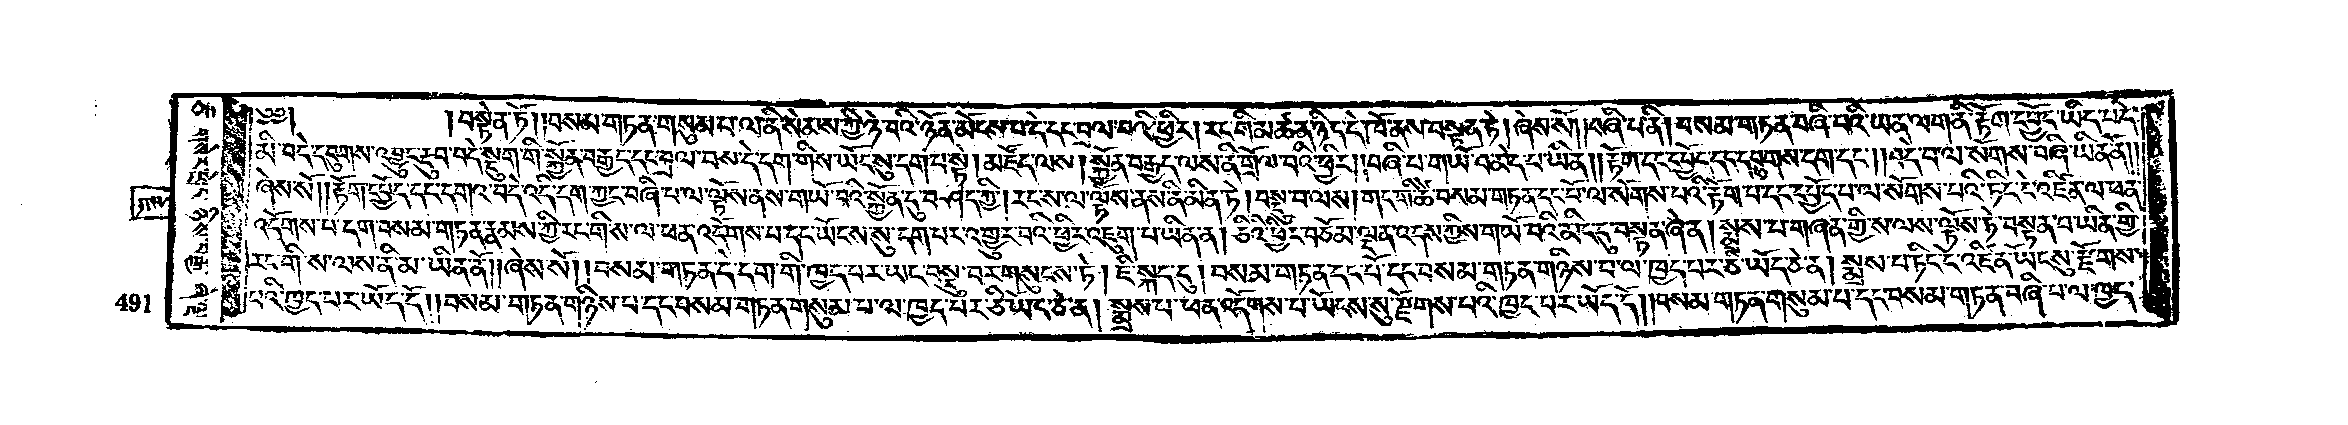༄༅། །བསྟེན་ཏོ། །བསམ་གཏན་གསུམ་པ་ལ་ནི་སེམས་ཀྱི་ཉེ་བའི་ཉོན་མོངས་པ་དེ་དང་བྲལ་བའི་ཕྱིར། རང་གི་མཚན་ཉིད་དེ་ཁོ་ནས་བསྟན་ཏེ། ཞེས་སོ། །བཞི་པ་ནི། བསམ་གཏན་བཞི་པའི་ཡན་ལག་ནི་རྟོག་དཔྱོད་ཡིད་པ་དེ་
མི་བདེ་དབུགས་འབྱུང་རྡུབ་བདེ་སྡུག་གི་སྐྱོན་བརྒྱད་དང་བྲལ་བས་དེ་དག་གིས་ཡོངས་སུ་དག་པ་སྟེ། མཛོད་ལས། སྐྱོན་བརྒྱད་ལས་ནི་གྲོལ་བའི་ཕྱིར། །བཞི་པ་གཡོ་བ་མེད་པ་ཡིན། །རྟོག་དང་དཔྱོད་དང་དབུགས་དག་དང་། །བདེ་བ་ལ་སོགས་བཞི་ཡིན་ནོ། །
ཞེས་སོ། །རྟོག་དཔྱོད་དང་དགའ་བདེ་འདི་དག་ཀྱང་བཞི་པ་ལ་ལྟོས་ནས་གཡོ་བའི་སྐྱོན་དུ་བཤད་ཀྱི། རང་ས་ལ་ལྟོས་ནས་ནི་མིན་ཏེ། བསྡུ་བ་ལས། གང་གི་ཚེ་བསམ་གཏན་དང་པོ་ལ་སོགས་པའི་རྟོག་པ་དང་དཔྱོད་པ་ལ་སོགས་པའི་ཏིང་ངེ་འཛིན་ལ་ཕན་
འདོགས་པ་དག་བསམ་གཏན་རྣམས་ཀྱི་རང་གི་ས་ལ་ཕན་འདོགས་པ་དང་ཡོངས་སུ་དག་པར་འགྱུར་བའི་ཕྱིར་འཇུག་པ་ཡིན་ན། ཅིའི་ཕྱིར་བཅོམ་ལྡན་འདས་ཀྱིས་གཡོ་བའི་མིང་དུ་བསྟན་ཞེ་ན། སྨྲས་པ་གཞན་གྱི་ས་ལས་ལྟོས་ཏེ་བསྟན་པ་ཡིན་གྱི་
རང་གི་ས་ལས་ནི་མ་ཡིན་ནོ། །ཞེས་སོ། །བསམ་གཏན་དེ་དག་གི་ཁྱད་པར་ཡང་བསྡུ་བར་གསུངས་ཏེ། ཇི་སྐད་དུ། བསམ་གཏན་དང་པོ་དང་བསམ་གཏན་གཉིས་པ་ལ་ཁྱད་པར་ཅི་ཡོད་ཅེ་ན། སྨྲས་པ་ཏིང་ངེ་འཛིན་ཡོངས་སུ་རྫོགས་
པའི་ཁྱད་པར་ཡོད་དོ། །བསམ་གཏན་གཉིས་པ་དང་བསམ་གཏན་གསུམ་པ་ལ་ཁྱད་པར་ཅི་ཡོད་ཅེ་ན། སྨྲས་པ་ཕན་འདོགས་པ་ཡོངས་སུ་རྫོགས་པའི་ཁྱད་པར་ཡོད་དོ། །བསམ་གཏན་གསུམ་པ་དང་བསམ་གཏན་བཞི་པ་ལ་ཁྱད་